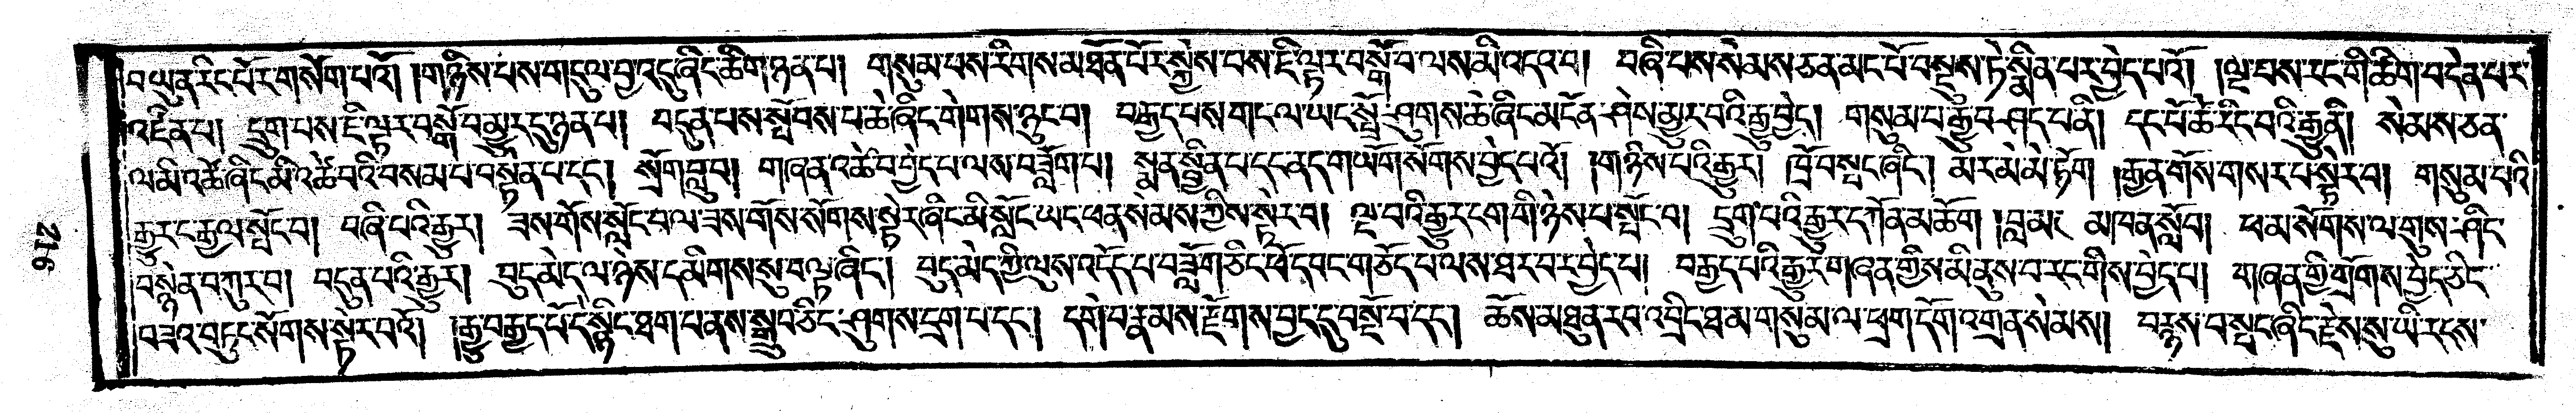བ་ཡུན་རིང་པོར་གསོག་པའོ། །གཉིས་པས་གདུལ་བྱ་འདུ་ཞིང་ཚིག་ཉན་པ། གསུམ་པས་རིགས་མཐོན་པོར་སྐྱེས་པས་ཇི་ལྟར་བསྒོ་བ་ལས་མི་འདའ་བ། བཞི་པས་སེམས་ཅན་མང་པོ་བསྡུས་ཏེ་སྨིན་པར་བྱེད་པའོ། །ལྔ་བས་རང་གི་ཚིག་བདེན་པར་
འཛིན་པ། དྲུག་པས་ཇི་ལྟར་བསྒོ་བ་མྱུར་དུ་ཉན་པ། བདུན་པས་སྤོབས་པ་ཆེ་ཞིང་གེགས་ཉུང་བ། བརྒྱད་པས་གང་ལ་ཡང་སྤྲོ་ཤུགས་ཆེ་ཞིང་མངོན་ཤེས་མྱུར་བའི་རྒྱུ་བྱེད། གསུམ་པ་རྒྱུ་བཤད་པ་ནི། དང་པོ་ཚེ་རིང་བའི་རྒྱུ་ནི། སེམས་ཅན་
ལ་མི་འཚེ་ཞིང་མི་འཚེ་བའི་བསམ་པ་བསྟེན་པ་དང་། སྲོག་བླུ་བ། གཞན་འཚེ་བ་བྱེད་པ་ལས་བཟློག་པ། སྨན་སྦྱིན་པ་དང་ནད་གཡོག་སོགས་བྱེད་པའོ། །གཉིས་པའི་རྒྱུར། ཁྲོ་བ་སྤང་ཞིང་། མར་མེ་མེ་ཏོག །རྒྱན་གོས་གསར་པ་སྟེར་བ། གསུམ་པའི་
རྒྱུར་ང་རྒྱལ་སྤོང་བ། བཞི་པའི་རྒྱུར། ཟས་གོས་སློང་བ་ལ་ཟས་གོས་སོགས་སྟེར་ཞིང་མི་སློང་ཡང་ཕན་སེམས་ཀྱིས་སྟེར་བ། ལྔ་བའི་རྒྱུར་ངག་གི་ཉེས་པ་སྤོང་བ། དྲུག་པའི་རྒྱུར་དཀོན་མཆོག །བླ་མ༑ མཁན་སློབ། ཕ་མ་སོགས་ལ་གུས་ཤིང་
བསྙེན་བཀུར་བ། བདུན་པའི་རྒྱུར། བུད་མེད་ལ་ཉེས་དམིགས་སུ་བལྟ་ཞིང་། བུད་མེད་ཀྱི་ལུས་འདོད་པ་བཟློག་ཅིང་ཕོ་དབང་གཅོད་པ་ལས་ཐར་བར་བྱེད་པ། བརྒྱད་པའི་རྒྱུར་གཞན་གྱིས་མི་ནུས་པ་རང་གིས་བྱེད་པ། གཞན་གྱི་གྲོགས་བྱེད་ཅིང་
བཟའ་བཏུང་སོགས་སྟེར་བའོ། །རྒྱུ་བརྒྱད་པོ་དེ་སྙིང་ཐག་པ་ནས་སྒྲུབ་ཅིང་ཤུགས་དྲག་པ་དང་། དགེ་བ་རྣམས་རྫོགས་བྱང་དུ་བསྔོ་བ་དང་། ཆོས་མཐུན་རབ་འབྲིང་ཐ་མ་གསུམ་ལ་ཕྲག་དོགས་འགྲན་སེམས། བརྙས་པ་སྤང་ཞིང་རྗེས་སུ་ཡི་རངས་